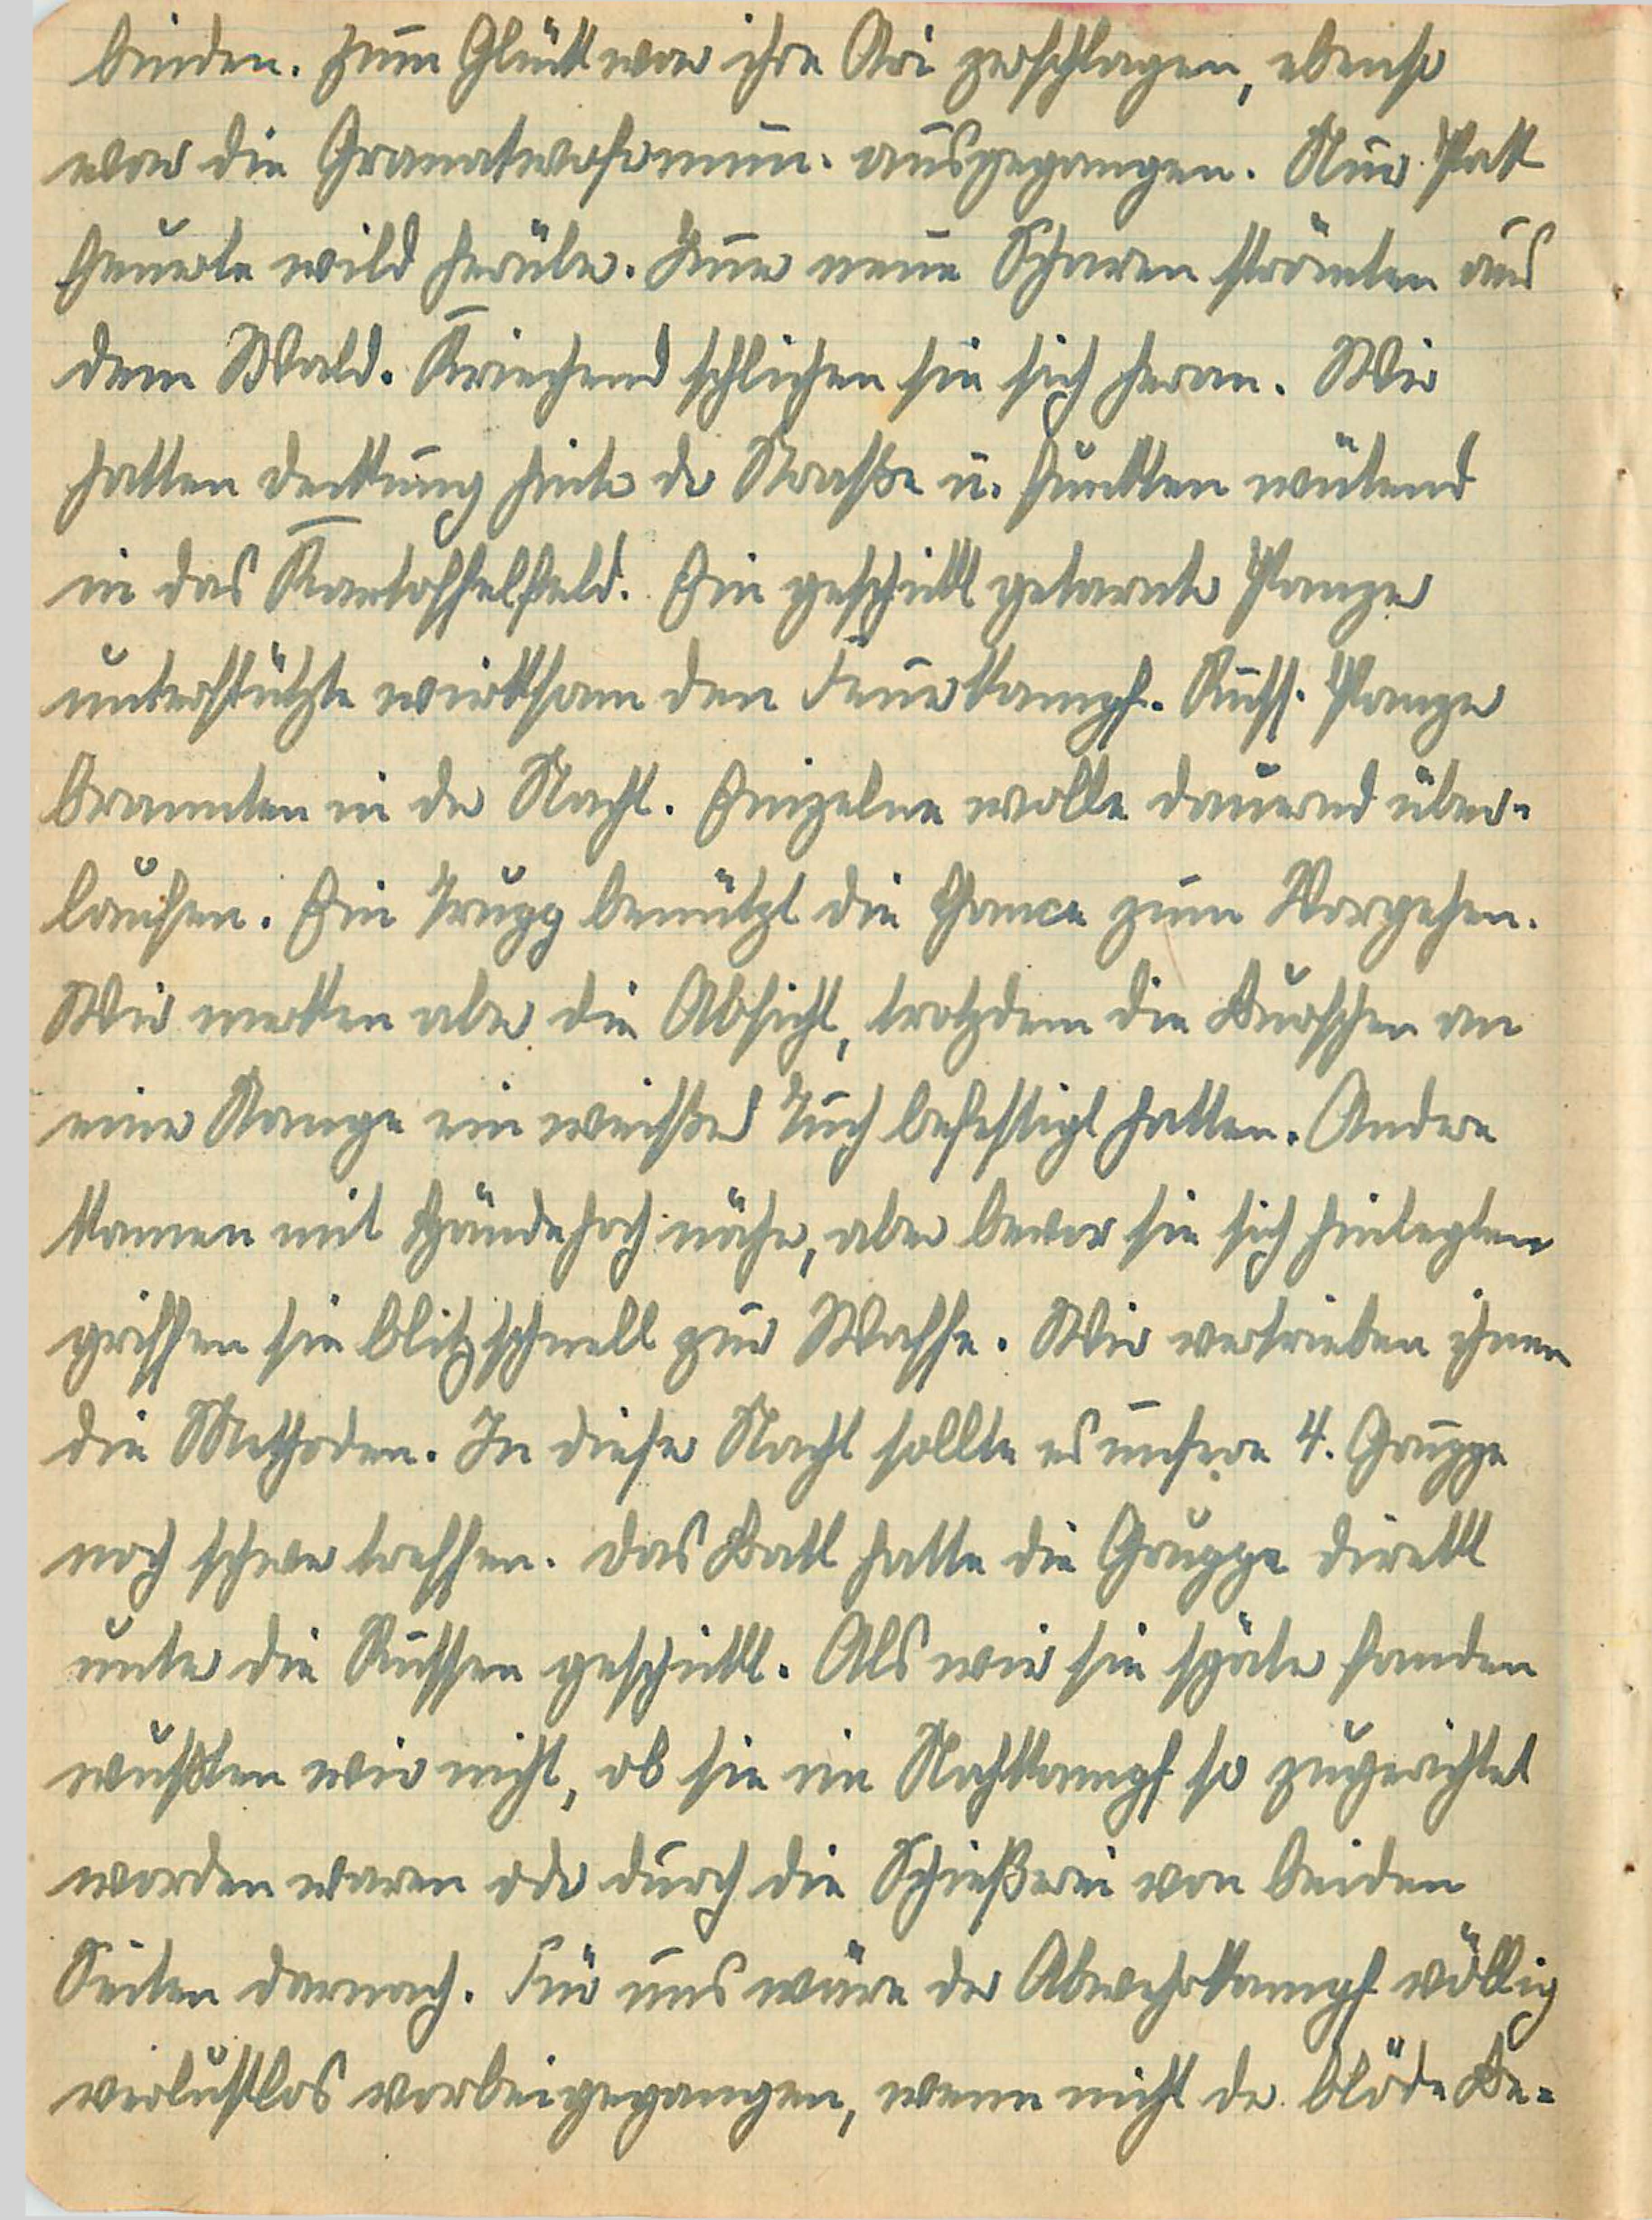binden. Zum Glück war ihre Ari zerschlagen, ebenso
war die Granatwerfermun. ausgegangen. Nur Pak
feuerte wild herüber. Immer neue Scharen strömten aus
dem Wald. Kriechend schlichen sie sich heran. Wir
hatten Deckung hinter der Straße u. funken wütend
in das Kartoffelfeld. Ein geschickt getarnter Panzer
unterstützte wirksam den Feuerkampf. Russ. Panzer
brannten in der Nacht. Einzelne wollen dauernd über-
laufen. Ein Trupp benützt die Chance zum Vorgehen.
Wir merken aber die Absicht, trotzdem die Burschen an
einer Stange ein weißes Tuch befestigt hatten. Andere
kamen mit Händehoch näher, aber bevor sie sich hinlegten
griffen sie blitzschnell zur Waffe. Wir vertrieben ihnen
die Methoden. In dieser Nacht sollte es unsere 4. Gruppe
noch schwer treffen. Das Batl hatte die Gruppe direkt
unter die Russen geschickt. Als wir sie später fanden
wußten wir nicht, ob sie im Nachtkampf so zugerichtet
worden waren oder durch die Schießerei von beiden
Seiten darnach. Für uns wäre der Abwehrkampf völlig
verlustlos vorbeigegangen, wenn nicht der blöde Be-